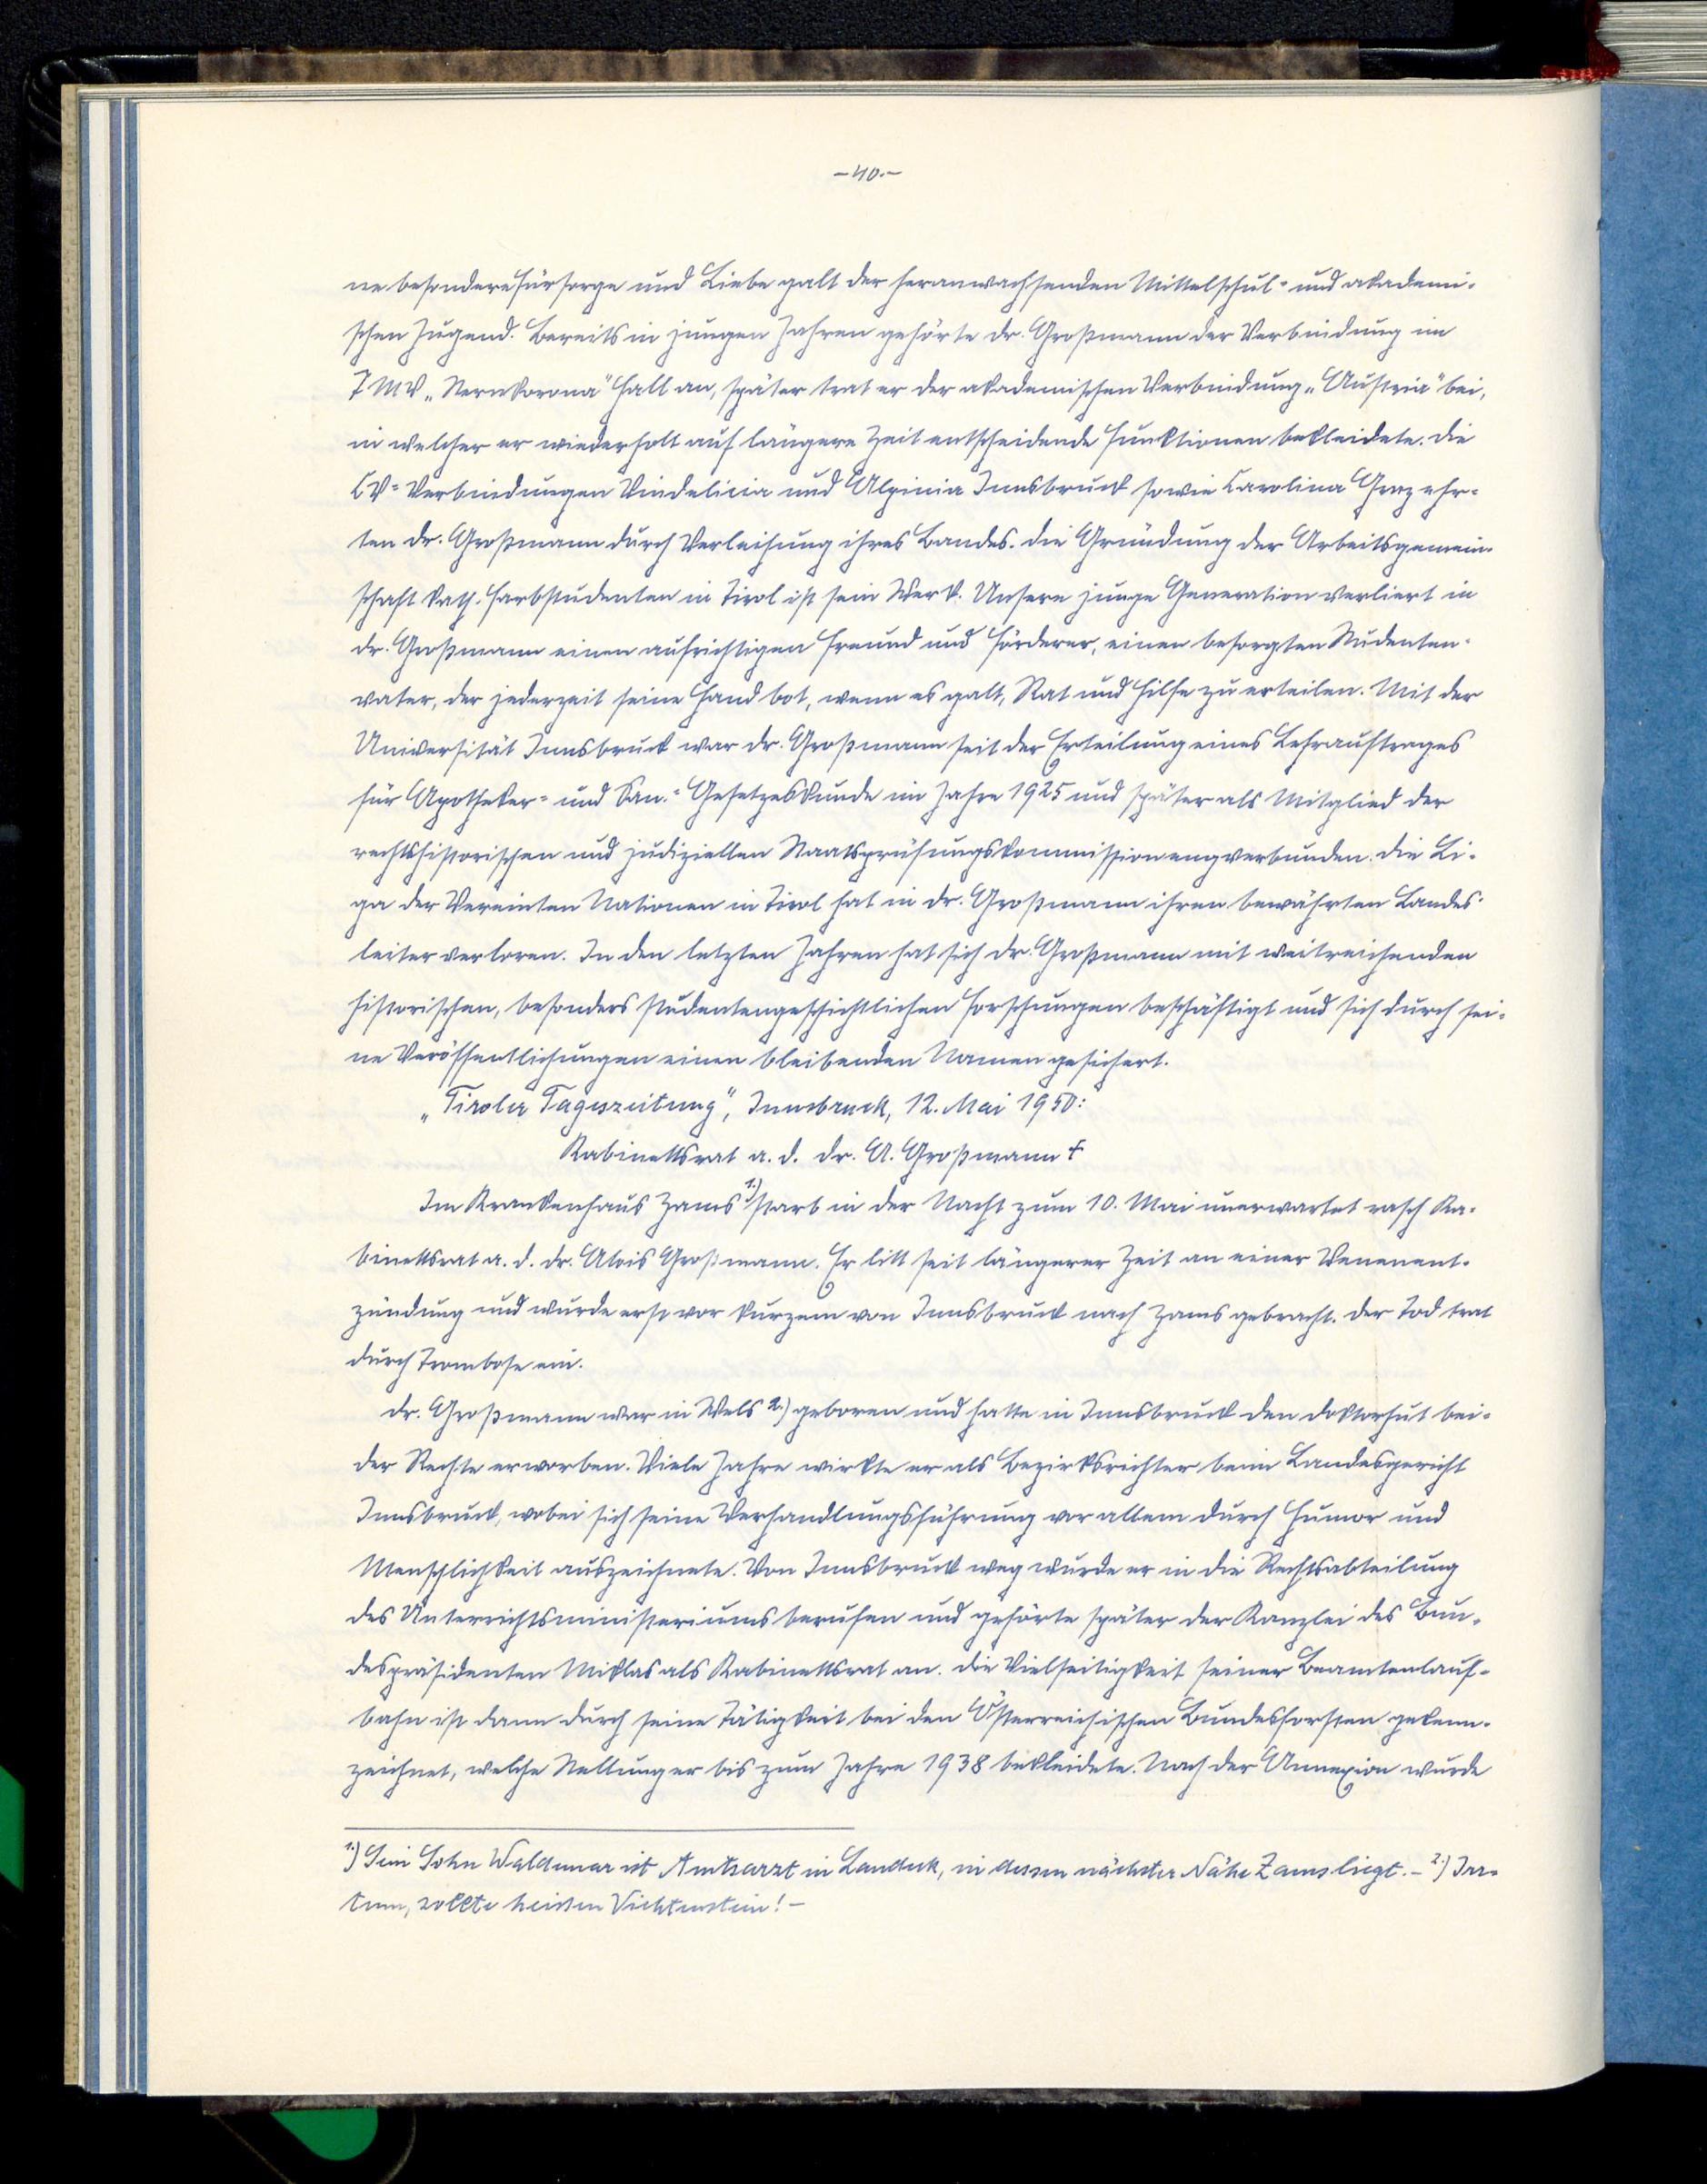40
ne besondere Fürsorge und Liebe galt der heranwachsendem Mittelschul- und akademi-
sche Jugend. Bereits in jungen Jahren gehörte Dr. Großmann der Verbindung im
TMV „Sternkorona“ Hall an, später trat er akademischen Verbindung „Austria“ bei,
in welcher er wiederholt auf längere Zeit entscheidende Funktionen bekleidete. Die
CV-Verbindungen Vindelicia und Alpinia Innsbruck sowie Carolina Graz ehr-
te Dr. Großmann durch Verleihung ihres Bandes. Die Gründung der Arbeitsgemein-
schaft katholischer Farbstudenten in Tirol ist sein Werk. Unsere junge Generation verliert in
Dr. Großmann einen aufrichtigen Freund und Förderer, einen besorgten Studenten-
vater, der jederzeit seine Hand bot, wenn es galt Rat und Hilfe zu erteilen. Mit der
Universität Innsbruck war Dr. Großmann seit der Erteilung eines Lehrauftrages
für Apotheker und San.- Gesetzeskunde im Jahre 1925 und später als Mitglied der
rechtshistorischen und judiziellen Staatsprüfungskommission verbunden. Die Li-
ga der Vereinten Nationen in Tirol hat in Dr. Großmann ihren bewährten Landes-
leiter verloren. In den letzten Jahren hat sich Dr. Großmann mit weitreichenden
historischen, besonders studentengeschichtlichem Forschungen beschäftigt und sich durch sei-
ne Veröffentlichungen einen bleibenden Namen gesichert.
„Tiroler Tageszeitung, Innsbruck, 12. Mai 1950:
Kabinettsrat a. D. Dr. Alois Großmann +
Im Krankenhaus Zams starb in der Nacht zum 10. Mai unerwartet rasch
Kabinettsrat a. D. Dr. Alois Großmann. Er litt seit längerer Zeit an einer Venenent-
zündung und wurde erst vor Kurzem von Innsbruck nach Zams gebracht. Der Tod trat
durch Thrombose ein.
Dr. Großmann war in Wels 2) geboren und hat in Innsbruck den Doktorhut bei-
der Rechte erworben. Viele Jahre wirkte er als Bezirksrichter beim Landesgericht
Innsbruck wobei sich seine Verhandlungsführung vor allem durch Humor und
Menschlichkeit auszeichnete. Von Innsbruck weg wurde er in die Rechtsabteilung
des Unterrichtsministeriums berufen und gehörte später der Kanzlei des Bun-
despräsidenten Miklas als Kabinettsrat an. Die Vielseitigkeit seiner Beamtenlauf-
bahn ist dann nur durch seine Tätigkeit bei den Österreichischen Bundesforsten gekenn-
zeichnet, welche Stellung der bis zum Jahr 1938 bekleidete. Nach der Annexion wurde
1) Sein Sohn Waldemar ist Amtsarzt in Landeck, in dessen nächster Nähe Zams liegt. – 2) Irr
tum, sollte heißen Vichtenstein!-